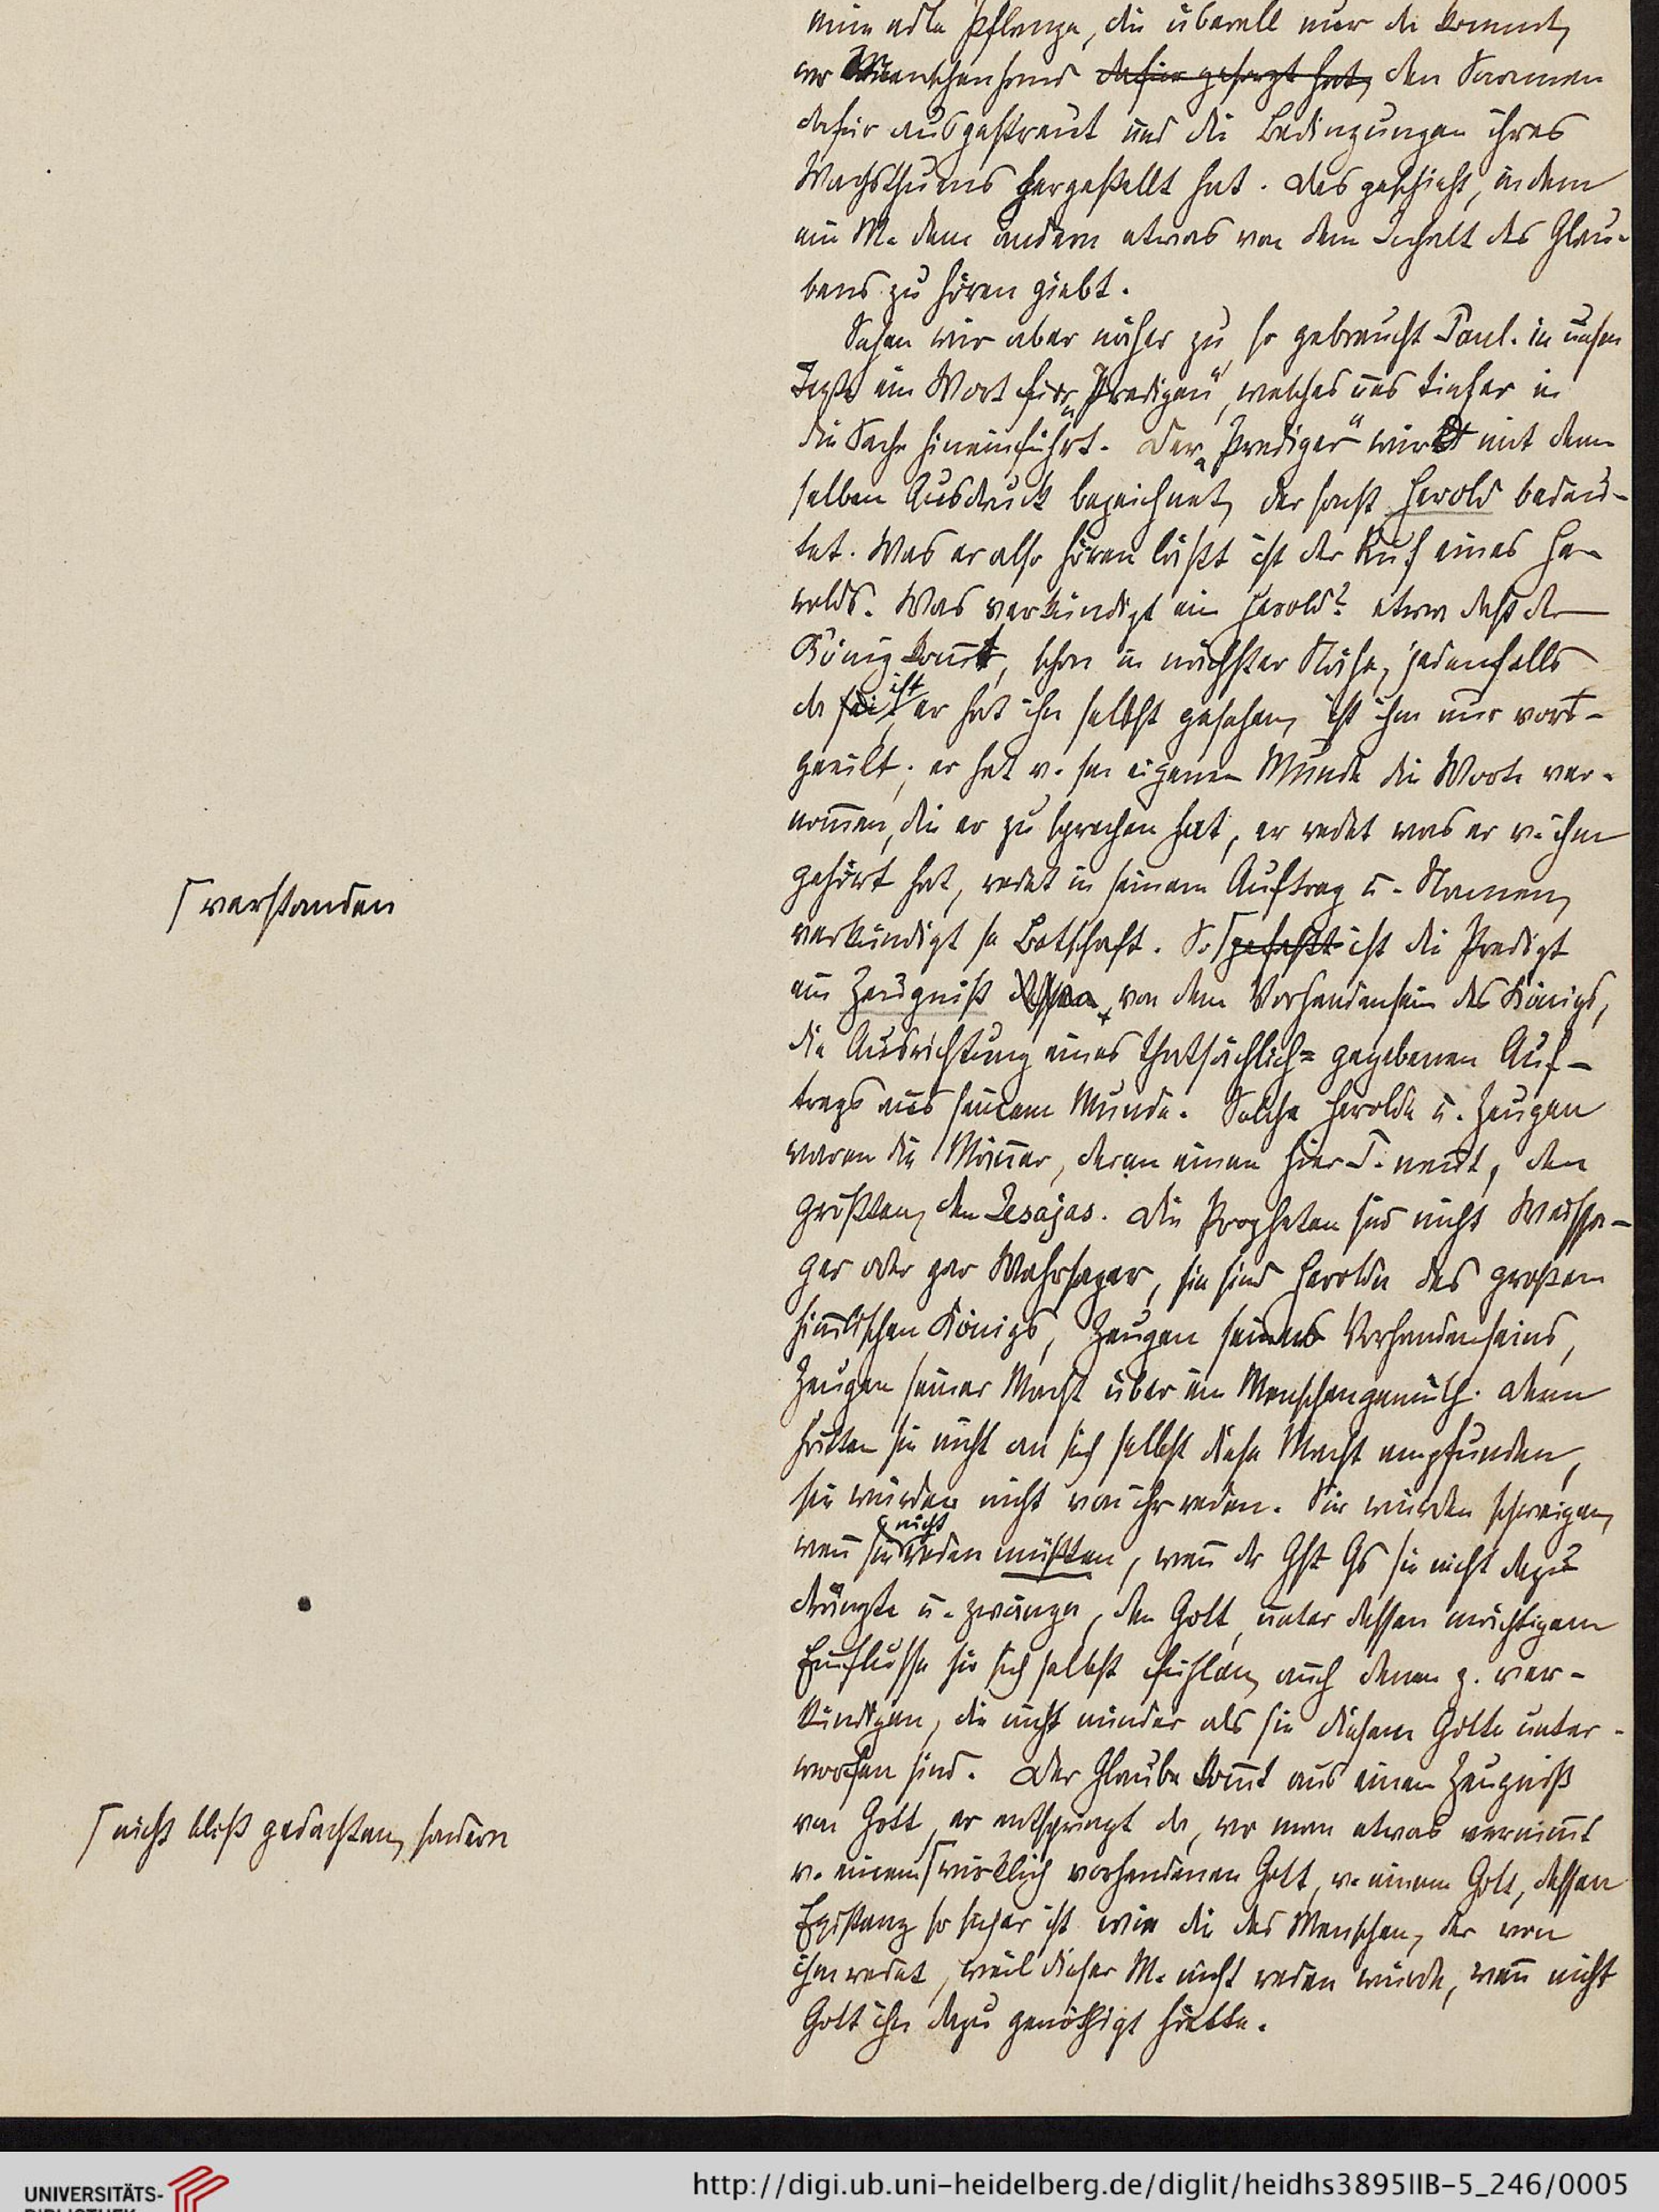[ verstanden
[ nicht bloß gedachten, sondern
eine edle Pflanze, die überall nur da kommt,
wo Menschenhand dafür gesort hat, den Saamen
dafür ausgestreut und die Bedingungen ihres
Wachsthums hergestellt hat. Das geschieht, indem
ein M. dem anderen etwas von dem Inhalt des Glau¬
bens zu hören giebt.
Sehen wir aber näher zu so gebraucht Paul. in unsm
Texte ein Wort für "Predigen", welches uns tiefer in
die Sache hineinführt. Der "Prediger" wird mit dem
selben Ausdruck bezeichnet, der sonst Herold bedeu¬
tet. Was er also hören läßt ist der Ruf eines He¬
rolds. Was verkündigt ein Herold? etwa daß der
König komt, schon in nächster Nähe, jedenfalls
da sei ist, er hat ihn selbst gesehen, ist ihm nur vor¬
geeilt; er hat v. sm eigenen Munde die Worte ver¬
nomen, die er zu sprechen hat, er redet was er v. ihm
gehört hat, redet in seinem Auftrag u. Namen,
verkündigt sn Botschaft. So [gefaßt ist die Predigt
ein Zeugnis dessen, von dem Vorhandensein des Königs,
die Ausrichtung eines thatsächlich-gegebenen Auf¬
trags aus seinem Munde: Solche Herolde u. Zeugen
waren die Mäner, deren einen hier P. meint, den
größten, den Jesajas. Die Propheten sind nicht Weissa¬
ger oder gar Wahrsager, sie sind Herolde des großen
himlischen Königs, Zeugen seines Vorhandenseins,
Zeichen seiner Macht über ein Menschengemüth. Denn
hätten sie nicht an sich selbst diese Macht empfunden,
sie würden nicht von ihr reden. Sie würden schweigen,
nicht
wen sie reden müßten, wen der Gst. G. sie nicht dazu
drängte u. zwänge, den Gott, unter dessen mächtigen
Einflusse für sich selbst fühlen, auch denen z. ver¬
kündigen, die nicht minder als sie diesem Gotte unter¬
worfen sind. Der Glaube komt aus einem Zeugniß
von Gott, der entspringt da, wo man etwas vernimt
v. einem [ wirklich vorhandenen Gott, v. einem Gott, dessen
Existenz. so sicher ist wie die des Menschen, der von
ihm redet, weil dieser M. nicht reden würden, wen nicht
Gott ihn dazu genöthigt hätte.